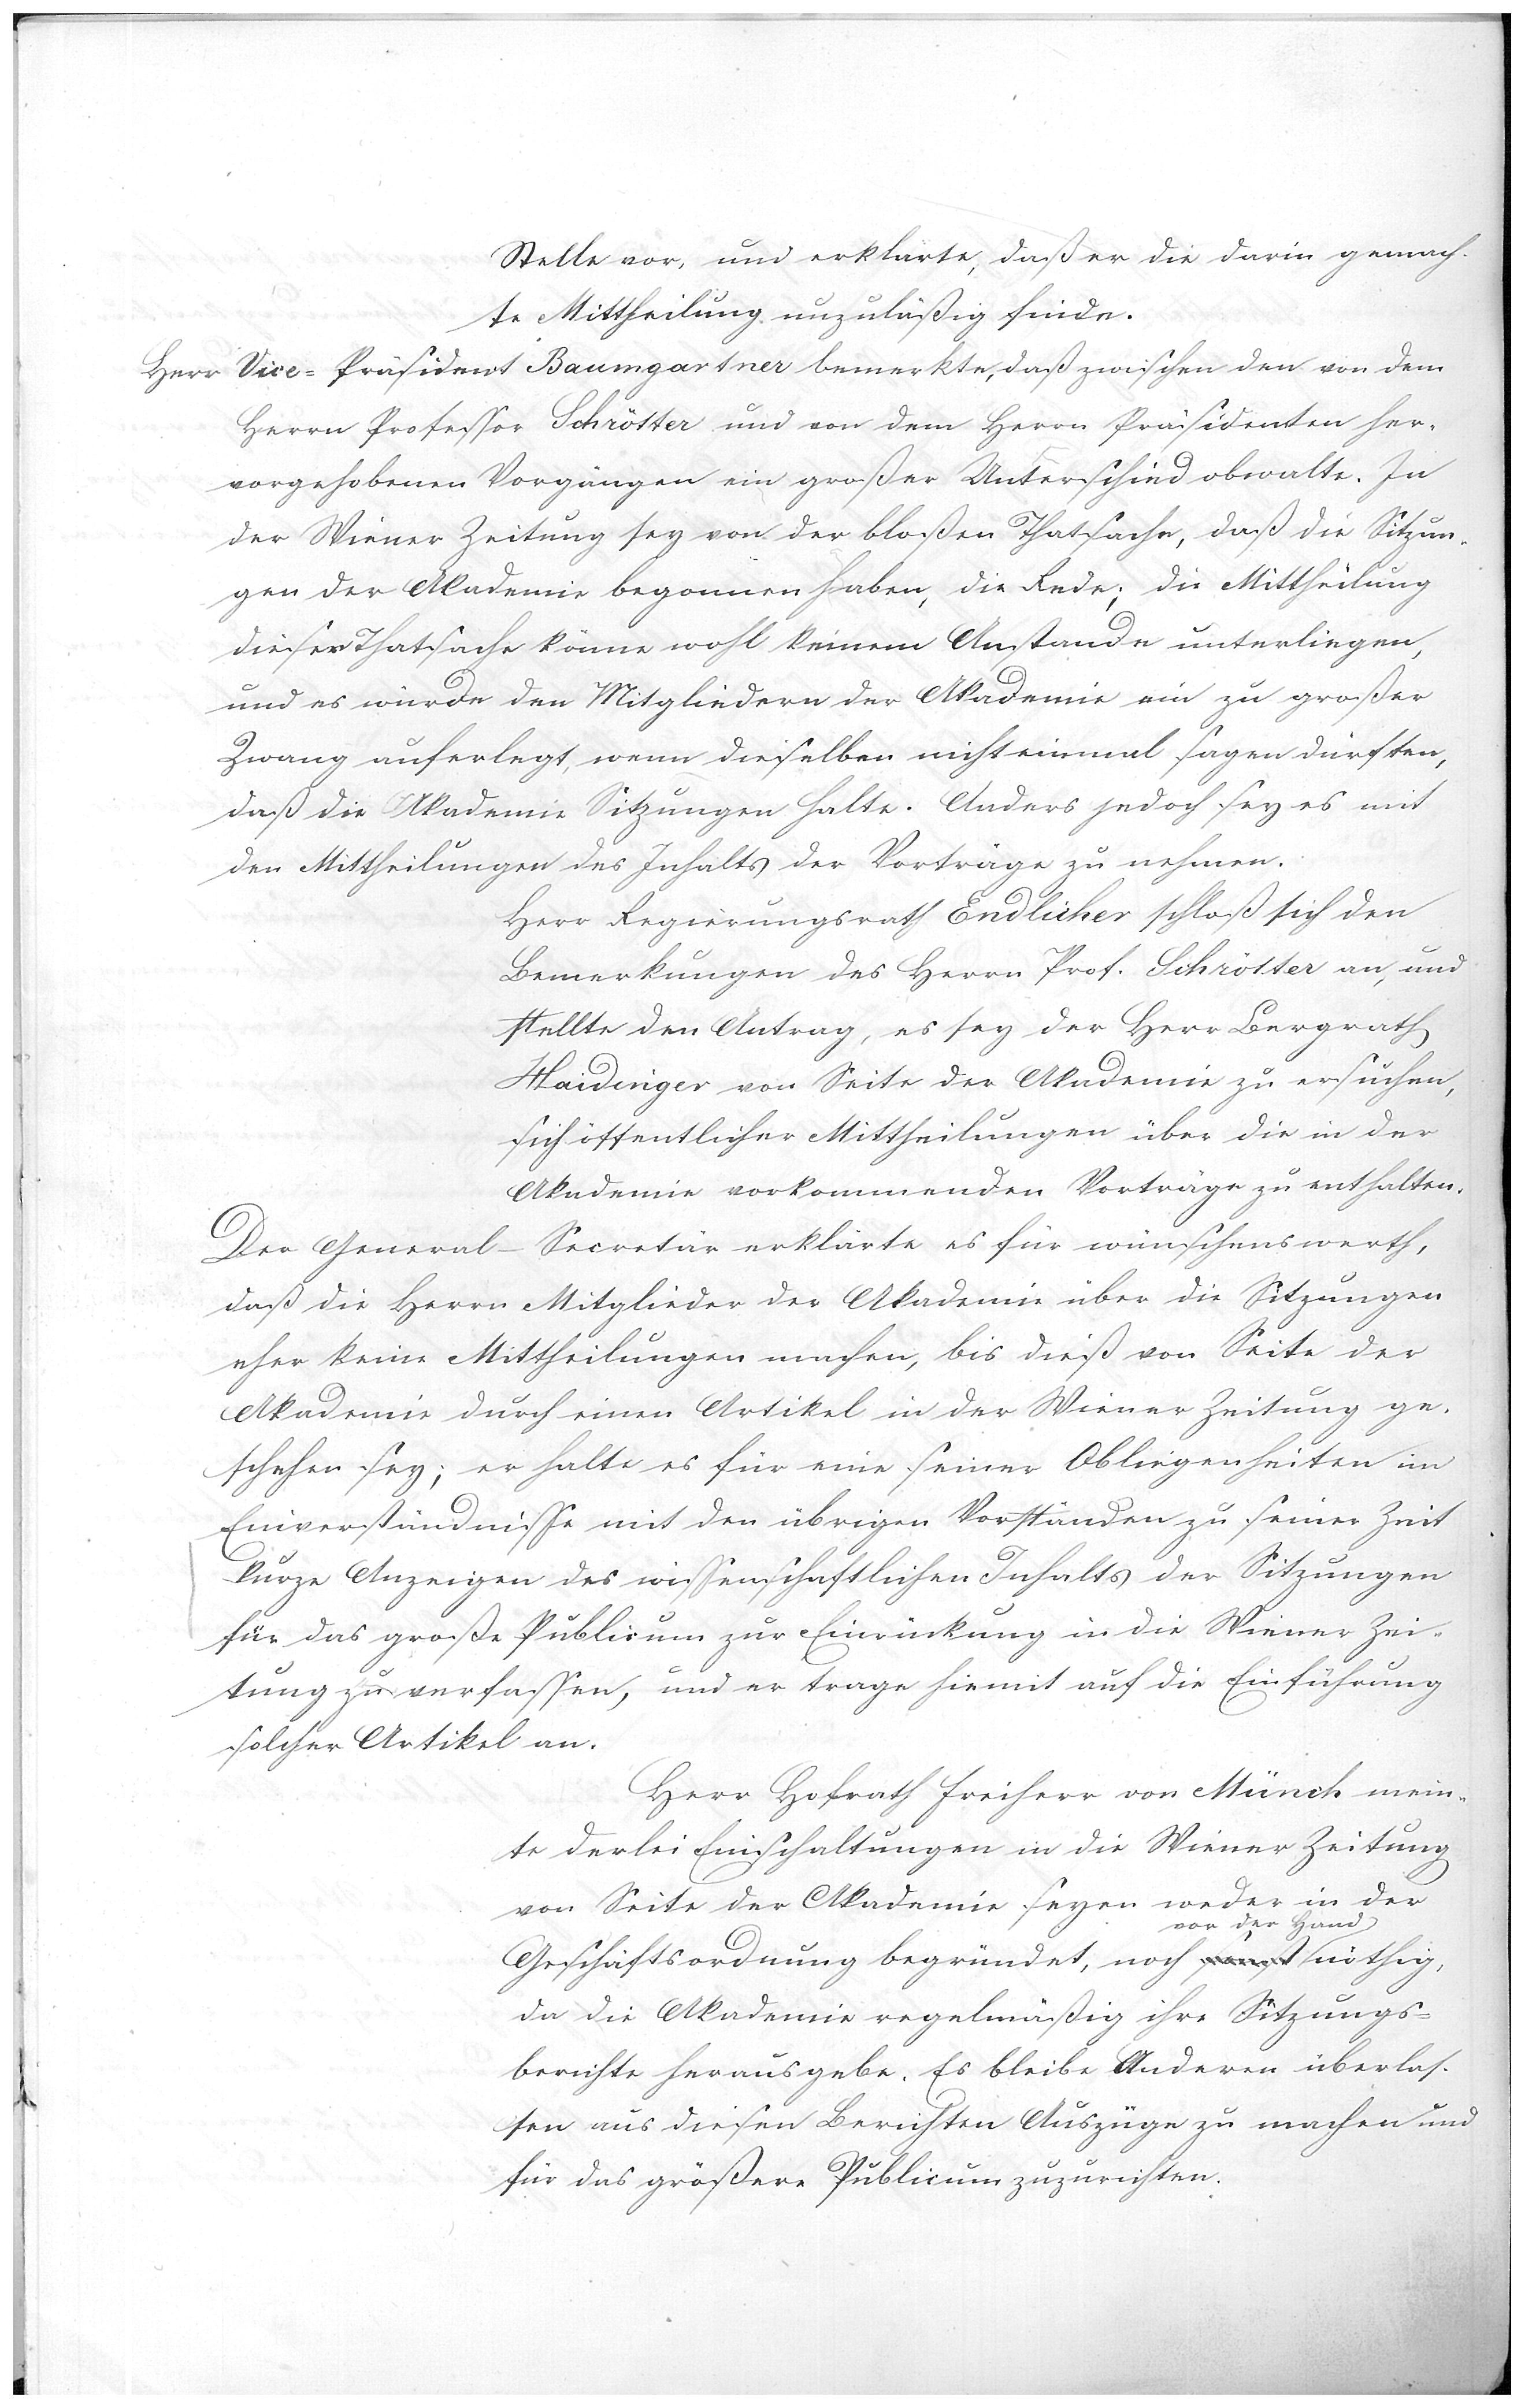Stelle vor, und erklärte, daß er die darin gemach-
te Mittheilung unzuläßig finde.
Herr Regierungsrath Endlicher schloß sich den
Bemerkungen des Herrn Prof. Schrötter an, und
stellte den Antrag, es sey der Herrn Bergrath
sich öffentlicher Mittheilungen über die in der
Haidinger von Seite der Akademie zu ersuchen,
Akademie vorkommenden Vorträge zu enthalten.
Herr Vice-Präsident Baumgartner bemerkte, daß zwischen den an den
Herrn Professor Schrötter und von dem Herrn Präsidenten her-
vorgehobenen Vorgängen ein großer Unterschied obwalte. In
der Wiener Zeitung sey von der bloßen Thatsache, daß die Sitzun-
gen der Akademie begonnen haben, die Rede, die Mittheilung
dieser Thatsache könne wohl keinem Anstande unterliegen,
und es würde den Mitgliedern der Akademie ein zu großer
Zwang auferlegt, wenn dieselben nicht einmal sagen dürften,
daß die Akademie Sitzungen halte. Anders jedoch sey es mit
den Mittheilungen des Inhalts der Vorträge zu nehmen.
Herr Hofrath Freiherr von Münch mein
te derlei Einschaltungen in die Wiener Zeitung
von Seite der Akademie seyen weder in der
vor der Hand
Geschäftordnung begründet, noch nöthig;
da die Akademie regelmäßig ihre Sitzungs-
berichte herausgebe. Es bleibe Anderen überlas-
sen aus diesen Berichten Auszüge zu machen und
für das größere Publicum zuzurichten.
Der General Secretär erklärte es für wünschenwerth,
daß die Herrn Mitglieder der Akademie über die Sitzungen
eher keine Mittheilungen machen, bis dieß von Seite der
Akademie durch einen Artikel in der Wiener Zeitung ge-
schehen sey; er halte es für eine seiner Obliegenheiten im
Einverständnisse mit den übrigen Vorständen zu seiner Zeit
kurze Anzeigen des wissenschaftlichen Inhalts der Sitzungen
für das große Publicum zur Einrückung in die Wiener Zei-
tund zu verfassen, und er trage hiemit auf die Einführung
solcher Artikel an.